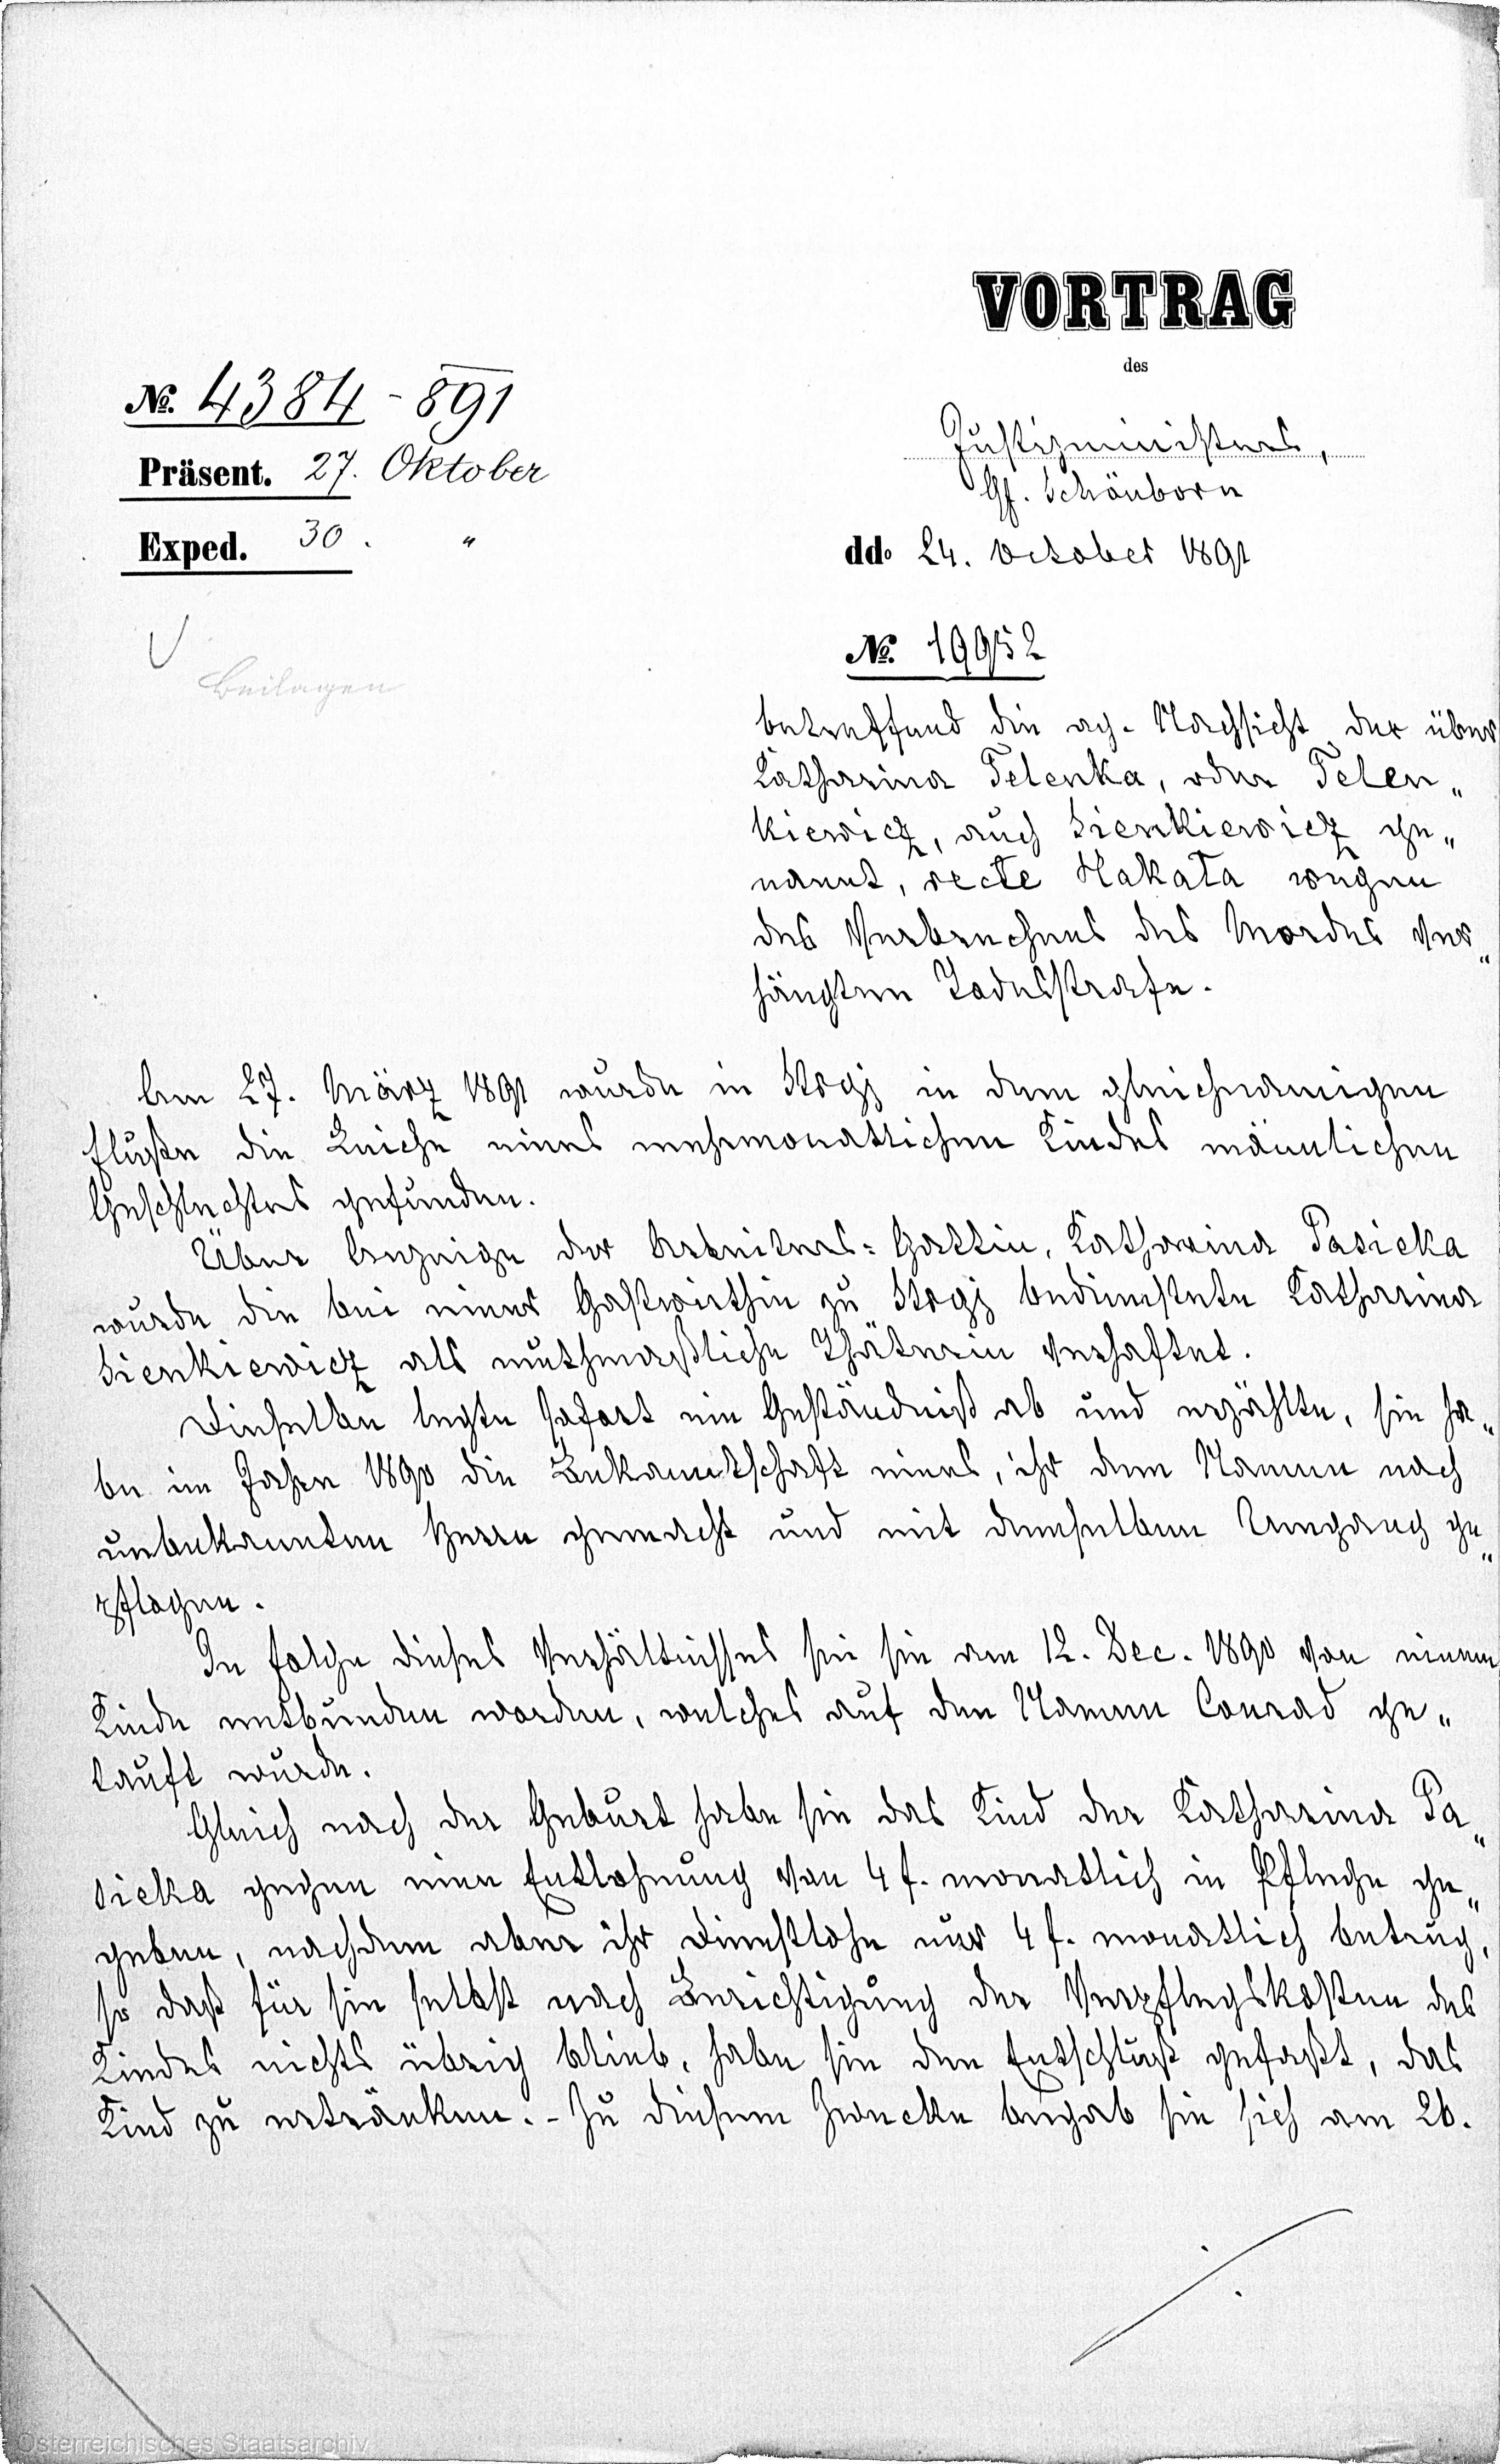No 4384– 1891
Präsent. – 27. Oktober
Exped. – 30. „
Beilagen
Vortrag
des
Justizministers,
Gf. Schönborn
ddo 24. Oktober 1891
No. 19952
betreffend die ag. Nachsicht der über
Katharina Telenka, oder Telen¬
kiewicz, auch Sienkiewicz ge¬
nannt, recte Hakała wegen
des Verbrechens des Mordes ver¬
hängten Todesstrafe.
Am 27. März 1891 wurde in Stryj in dem gleichnamigen
Fluße die Leiche eines mehrmonatlichen Kindes männlichen
Geschlechtes gefunden.
Über Anzeige der Arbeiters-Gattin, Katharina Pasieka
wurde die bei einer Gastwirthin zu Stryj bedienstete Katharina
Sienkiewicz als muthmaßliche Thäterin verhaftet.
Dieselbe legte sofort ein Geständniß ab und erzählte, sie ha¬
be im Jahre 1890 die Bekanntschaft eines, ihr dem Namen nach
unbekannten Herrn gemacht und mit demselben Umgang ge¬
pfolgen.
In Folge dieses Verhältnisses sei sie am 12. Dec 1890 von einem
Kinde entbunden worden, welches auf den Namen Conrad ge¬
tauft wurde.
Gleich nach der Geburt habe sie das Kind der Katharina Pa¬
sieka gegen eine Entlohnung von 4f monatlich in Pflege ge¬
geben nachdem aber ihr Dienstlohn nur 4f monatlich betrug,
so daß für sie selbst nach Berichtigung der Verpflegskosten des
Kindes nichts übrig blieb, habe sie den Entschluß gefaßt, das
Kind zu ertränken. Zu diesem Zwecke begab sie sich am 26.